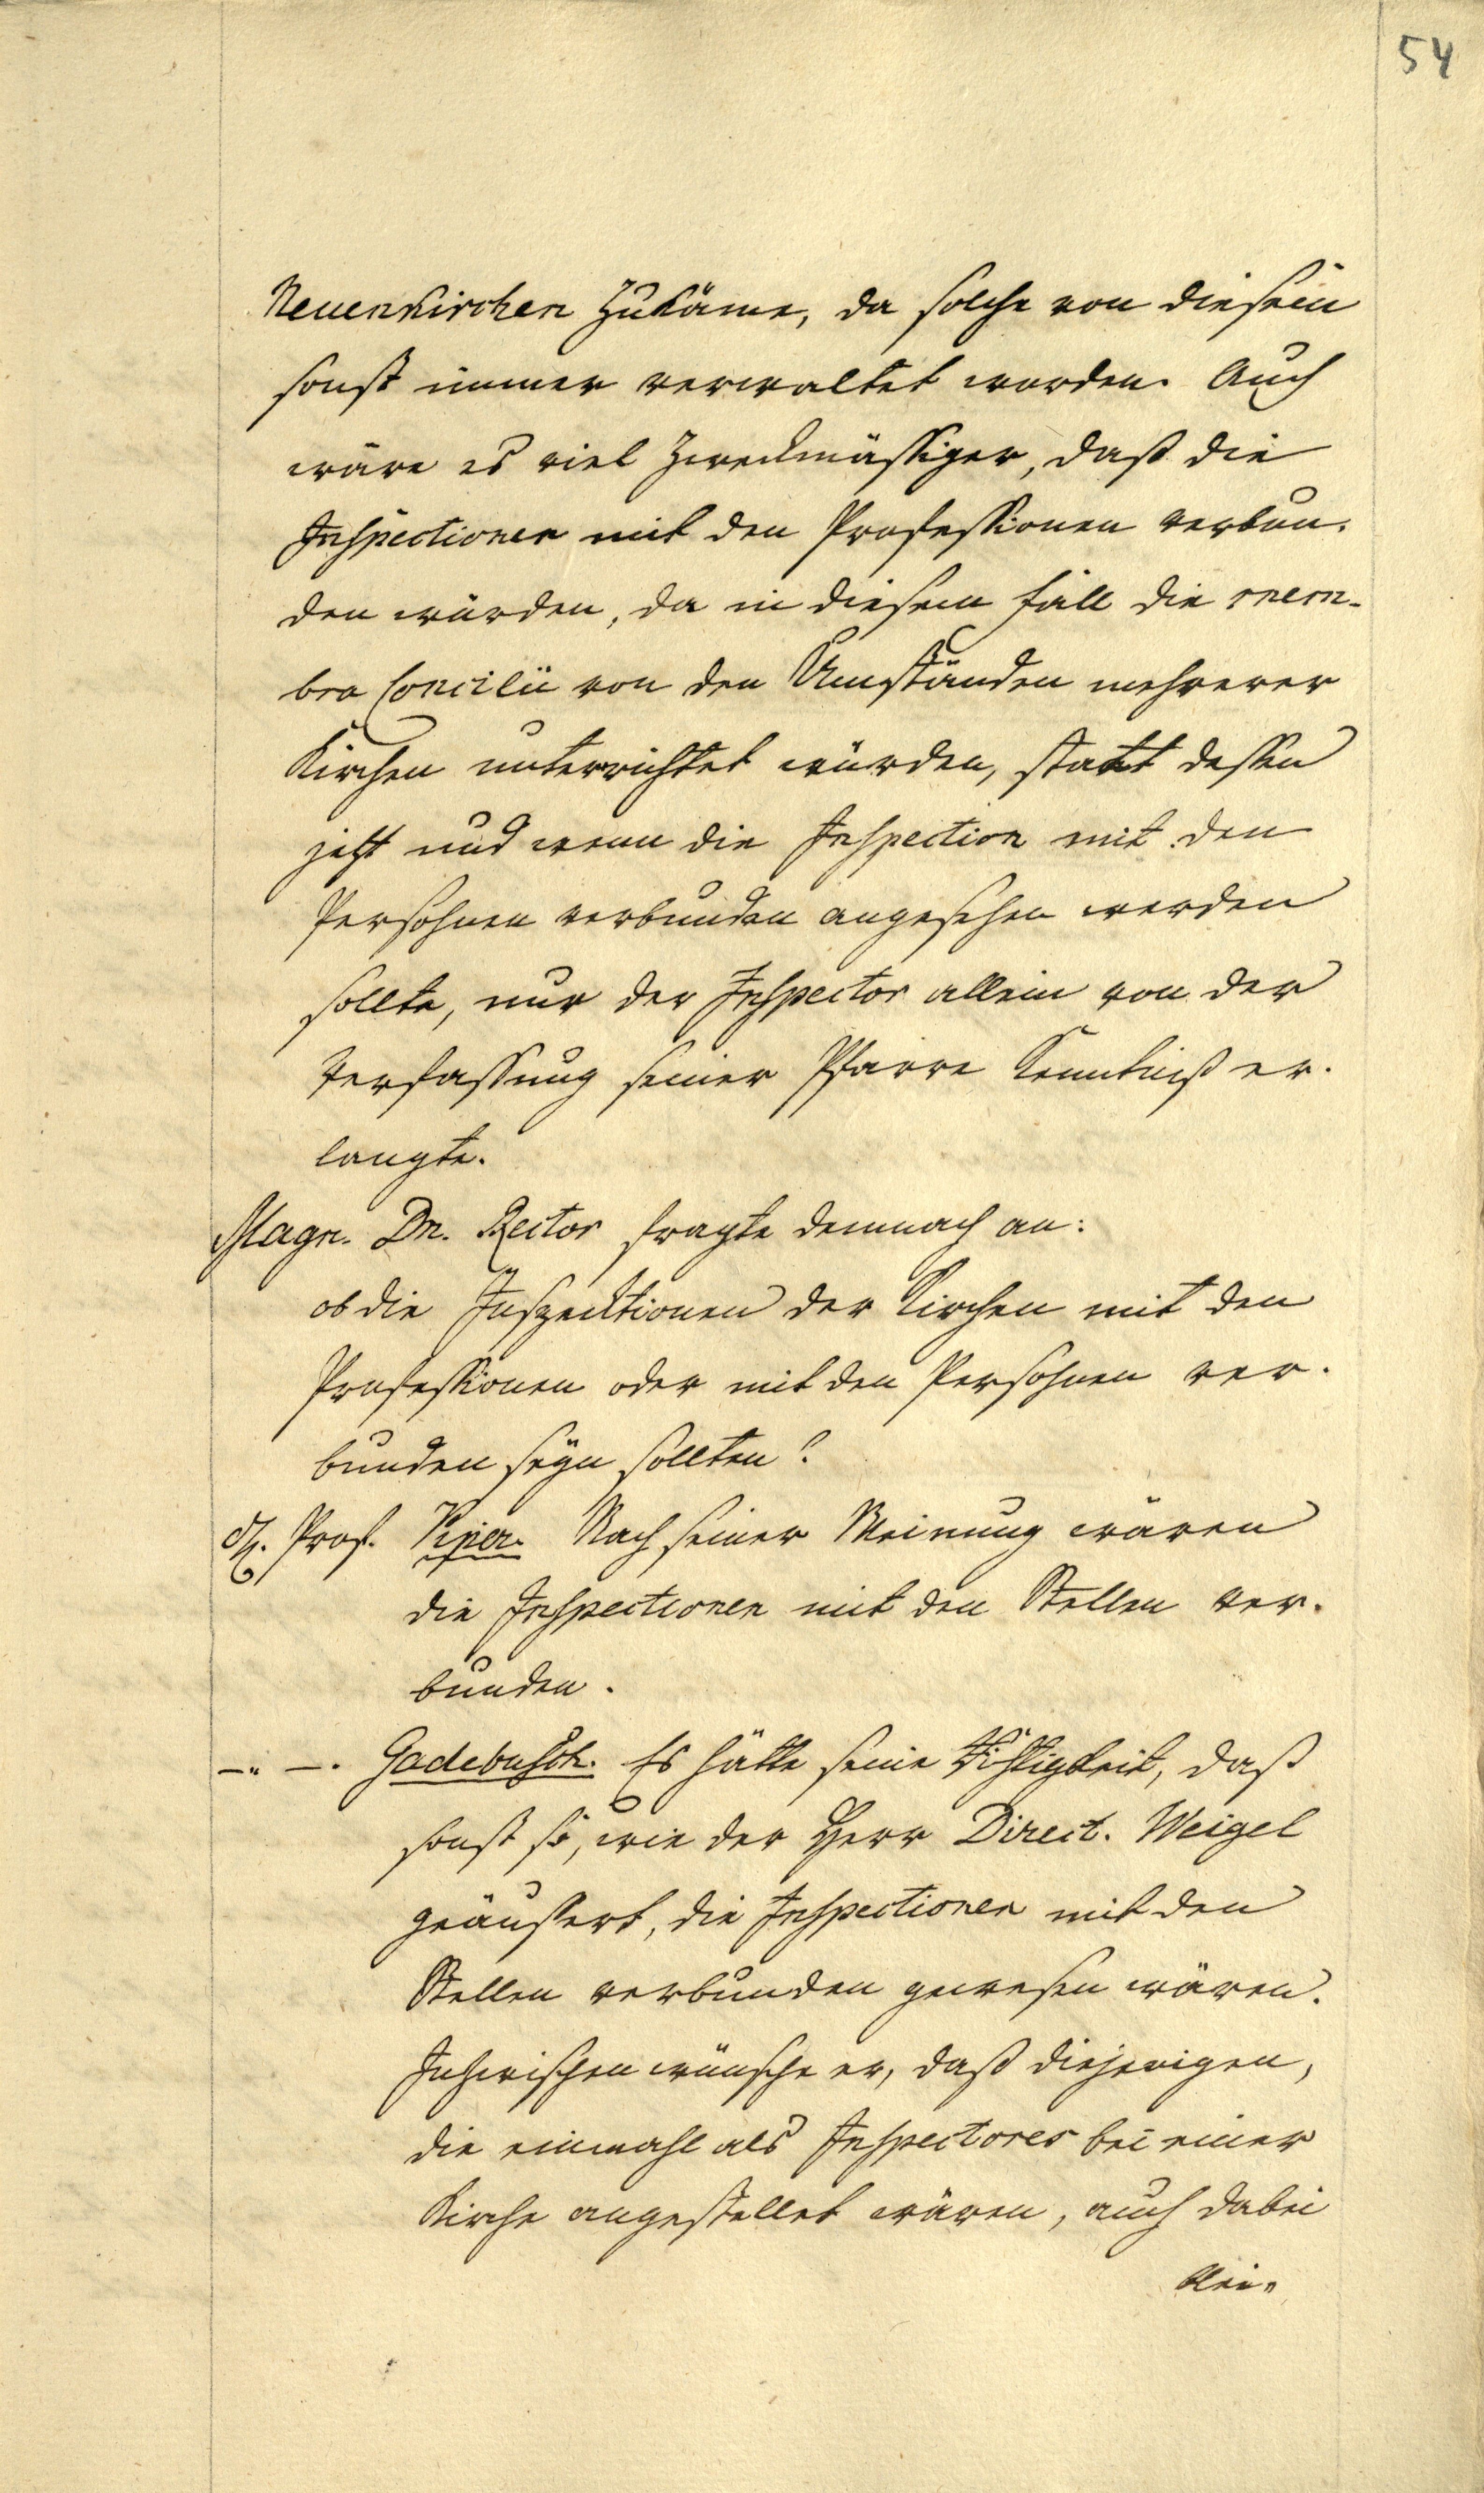Neuenkirchen zukäme, da solche von diesem
sonst immer verwaltet worden. Auch
wäre es viel zweckmässiger, daß die
Inspectionen mit den Professionen verbun-
den würden, da in diesem Fall die mem-
bra Concilii von den Umständen mehrerer
Kirchen unterrichtet würden, statt dessen
jetzt und wenn die Inspection mit den
Persohnen verbunden angesehen werden
sollte, nur der Inspector alleine von der
Verfassung seiner Pfare Kenntniß er-
langte.
Magn. Dn. Rector fragte demnach an:
ob die Inspektionen der Kirchen mit den
Professionen oder mit den Persohnen ver-
bunden seyn sollten?
dh. Prof. Piper Nach seiner Meinung wären
die Inspectionen mit den Stellen ver-
bunden.
- " - " Gadebusch. Es hätte seine Richtigkeit, daß
sonst so, wie der Herr Direct. Weigel
geäussert, die Inspectionen mit den
Stellen verbunden gewesen wären.
Inzwischen wünsche er, daß diejenigen,
die einmahl als Inspectores bei einer
Kirche angestellet wären, auch dabei
blei-